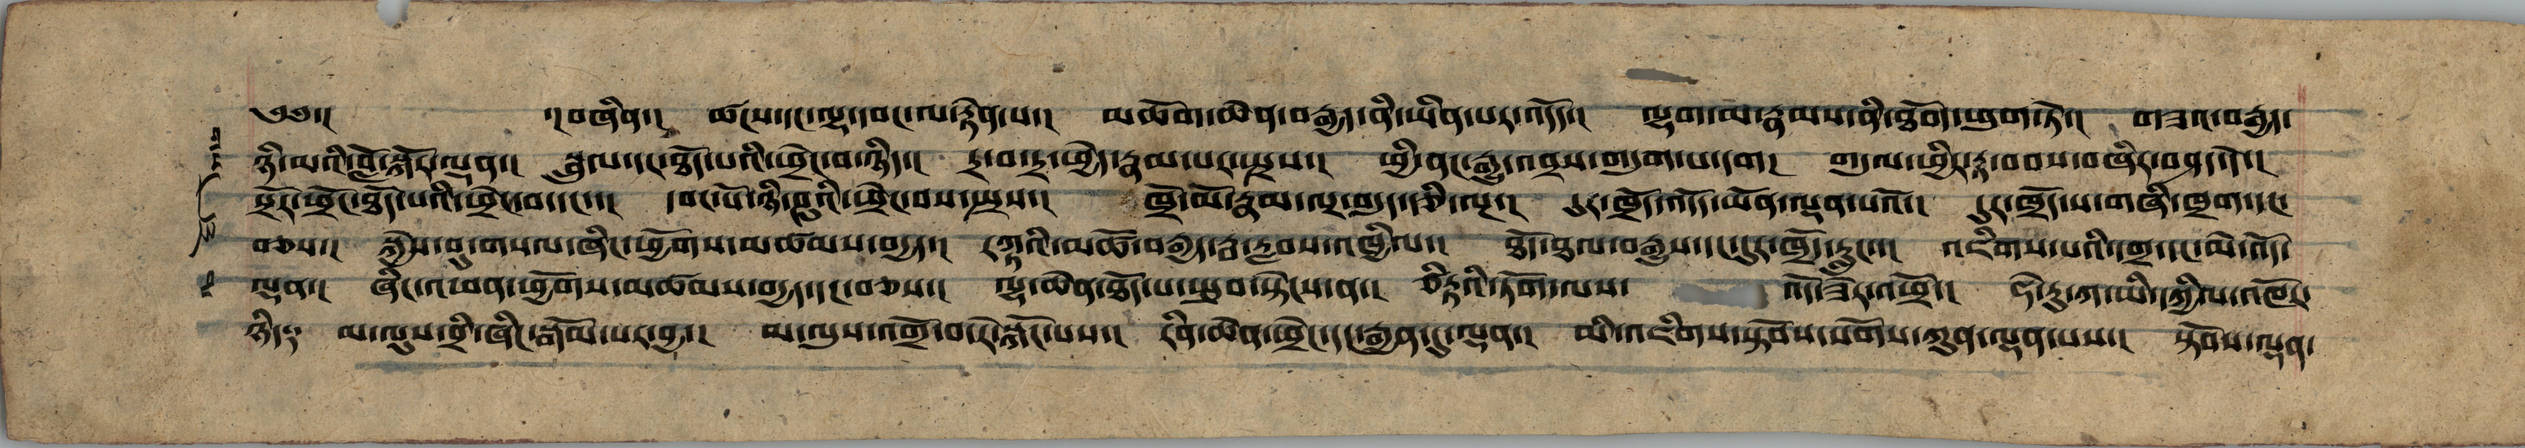༄༅་། ་།བཞིན་། ཚངས་དང་ལྷ་དབང་ལ་རྟེན་པ་། མཆོག་ཆེན་བརྒྱད་ནི་ཡིན་པར་འདོད་། ལྷག་མ་རྣམས་ནི་ཐོག་ཕུག་ཏེ་། གཟའ་བརྒྱད་
ཉི་མའི་བློ་སྐོར་ལྡན་། སྦྲུལ་དང་ཐོད་པའི་ཕྲེང་བ་ཉིད་། དྲ་བ་དྲ་ཕྱེད་རྣམ་པར་སྤྲས་། ཕྱི་ནང་རྒྱུ་འབྲས་གདུག་པ་དག། གདུལ་ཕྱིར་རྟ་བབས་བཞིར་བཤད་དེ་།
སྲོར་ཕྲོང་ཐོད་པའི་ཕྲེང་བ་དང་་། དབང་པོ་ཉི་ཤུའི་ཕྲེང་བས་སྤྲས་། ཁྲོ་མོ་རྣམ་ལྔ་བདུད་རྩི་ལྔ་། དུར་ཁྲོད་འདོད་ཡོན་ལྡན་པའོ་། དུར་ཁྲོད་ས་གཞི་ཁྲག་དང་
བཅས་། སྐྱེས་བུ་གསལ་ཞིང་ཕྱོགས་མཚམས་བདྱད་། རཀྟའི་མཚོ་བརྒྱད་རྦ་རླབས་འཁྱིལ་། ཐོད་ཐལ་བརྒྱུས་དང་དུར་ཁྲོད་རླུང་་། འཇིགས་པའི་དགྲ་དང་མེ་འོད་
ལྡན་། ཞིང་འཕན་ཕྱོགས་མཚམས་བདྱད་དང་བཅས་། ལྷ་ཆེན་ཐོད་པ་སྤུབ་སྟེངས་ན་། ཙིཏྟའི་ཏོག་ལས་ འོད་ཟེར་འཕྲོ་། ཧེ་རུ་ཀ་ཡི་དཀྱིལ་འཁོར་
ཉིད༑ མ་ལུས་བྲི་ཞིང་སྒོམ་པར་བྱ་། མ་ལུས་འགྲོ་བ་རེ་སྐོང་པས་། རིན་ཆེན་ཕྲེང་དང་རྒྱན་དུ་ལྡན་། མི་འཇིགས་སྟོབས་སོགས་ཀུན་ལྡན་པས་། སྟོབས་ལྡན་